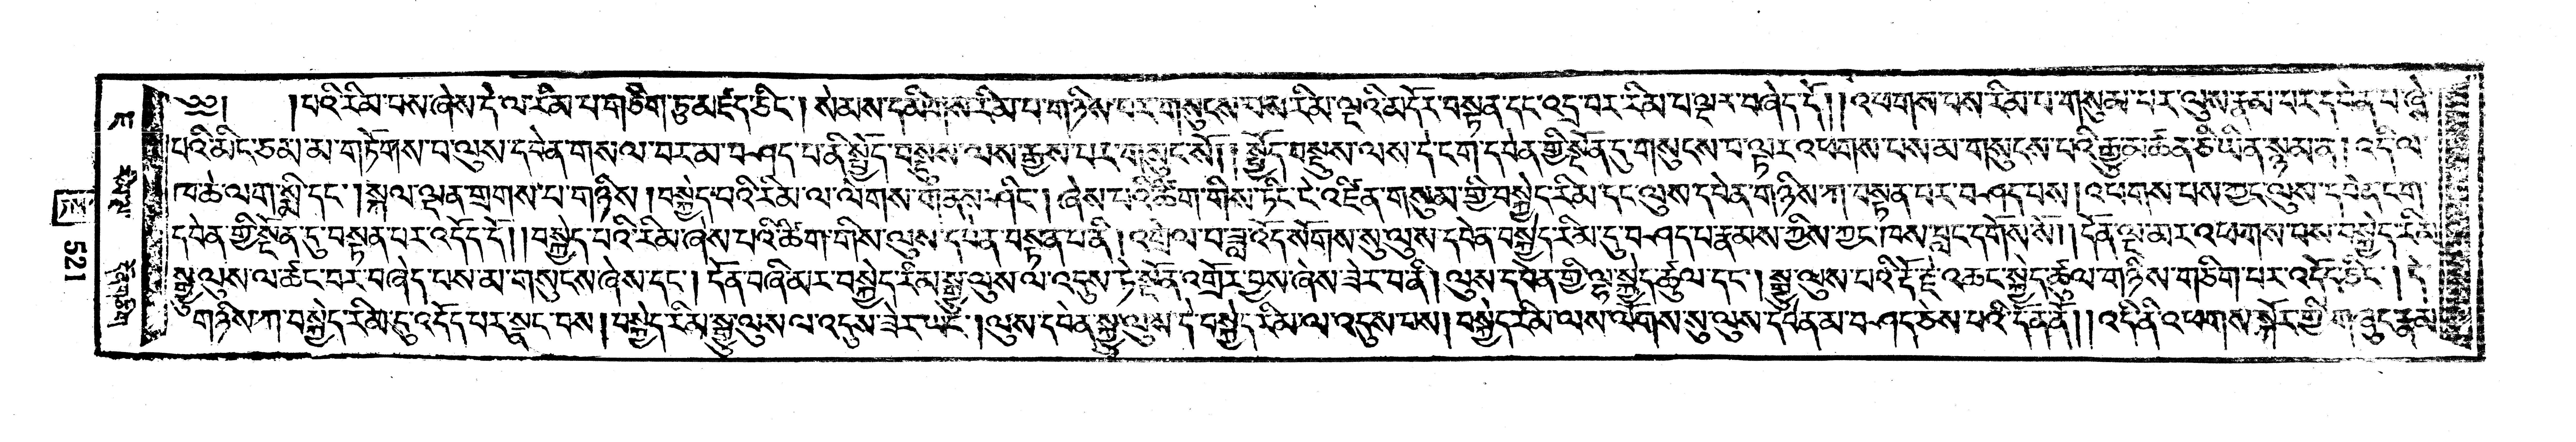༄༅། །པའི་རིམ་པས་ཞེས་དེ་ལ་རིམ་པ་གཅིག་ཏུ་མཛད་ཅིང་། སེམས་དམིགས་རིམ་པ་གཉིས་པར་གསུངས་པས་རིམ་ལྔའི་མདོར་བསྟན་དང་འདྲ་བར་རིམ་པ་ལྔར་བཞེད་དོ། །འཕགས་པས་རིམ་པ་གསུམ་པར་ལུས་རྣམ་པར་དབེན་པ་ཞེས་
པའི་མིང་ཙམ་མ་གཏོགས་པ་ལུས་དབེན་གསལ་བར་མ་བཤད་པ་ནི་སྤྱོད་བསྡུས་ལས་རྒྱས་པར་གསུང་སོ། །སྤྱོད་བསྡུས་ལས་དེ་ངག་དབེན་གྱི་སྔོན་དུ་གསུངས་པ་ལྟར་འཕགས་པས་མ་གསུངས་པའི་རྒྱུ་མཚན་ཅི་ཡིན་སྙམ་ན། འདི་ལ་
ཁ་ཆེ་ལག་སྨི་དང་། སྐལ་ལྡན་གྲགས་པ་གཉིས། བསྐྱེད་པའི་རིམ་ལ་ལེགས་གནས་ཤིང་། ཞེས་པའི་ཚིག་གིས་ཏིང་ངེ་འཛིན་གསུམ་གྱི་བསྐྱེད་རིམ་དང་ལུས་དབེན་གཉིས་ཀ་བསྟན་པར་བཤད་པས། འཕགས་པས་ཀྱང་ལུས་དབེན་ངག་
དབེན་གྱི་སྔོན་དུ་བསྟན་པར་འདོད་དོ། །བསྐྱེད་པའི་རིམ་ཞེས་པའི་ཚིག་གིས་ལུས་དབེན་བསྟན་པ་ནི། འགྲེལ་པ་ཟླ་འོད་སོགས་སུ་ལུས་དབེན་བསྐྱེད་རིམ་དུ་བཤད་པ་རྣམས་ཀྱིས་ཀྱང་ཁས་བླང་དགོས་སོ། །དོན་ལྔ་མར་འཕགས་པས་བསྐྱེད་རིམ་
སྒྱུ་ལུས་ལ་ཚང་བར་བཞེད་པས་མ་གསུངས་ཞེས་དང་། དོན་བཞི་མར་བསྐྱེད་རིམ་སྒྱུ་ལུས་ལ་འདུས་ཏེ་སྔོན་འགྲོར་བྱས་ཞེས་ཟེར་བ་ནི། ལུས་དབེན་གྱི་ལྷ་སྐྱེད་ཚུལ་དང་། སྒྱུ་ལུས་པའི་རྡོ་རྗེ་འཆང་སྐྱེད་ཚུལ་གཉིས་གཅིག་པར་འདོད་ཅིང་། དེ་
གཉིས་ཀ་བསྐྱེད་རིམ་དུ་འདོད་པར་སྣང་བས། བསྐྱེད་རིམ་སྒྱུ་ལུས་ལ་འདུས་ཟེར་ཡང་། ལུས་དབེན་སྒྱུ་ལུས་དེ་བསྐྱེད་རིམ་ལ་འདུས་པས། བསྐྱེད་རིམ་ལས་ལོགས་སུ་ལུས་དབེན་མ་བཤད་ཅེས་པའི་དོན་ནོ། །འདི་ནི་འཕགས་སྐོར་གྱི་གཞུང་རྣམ་